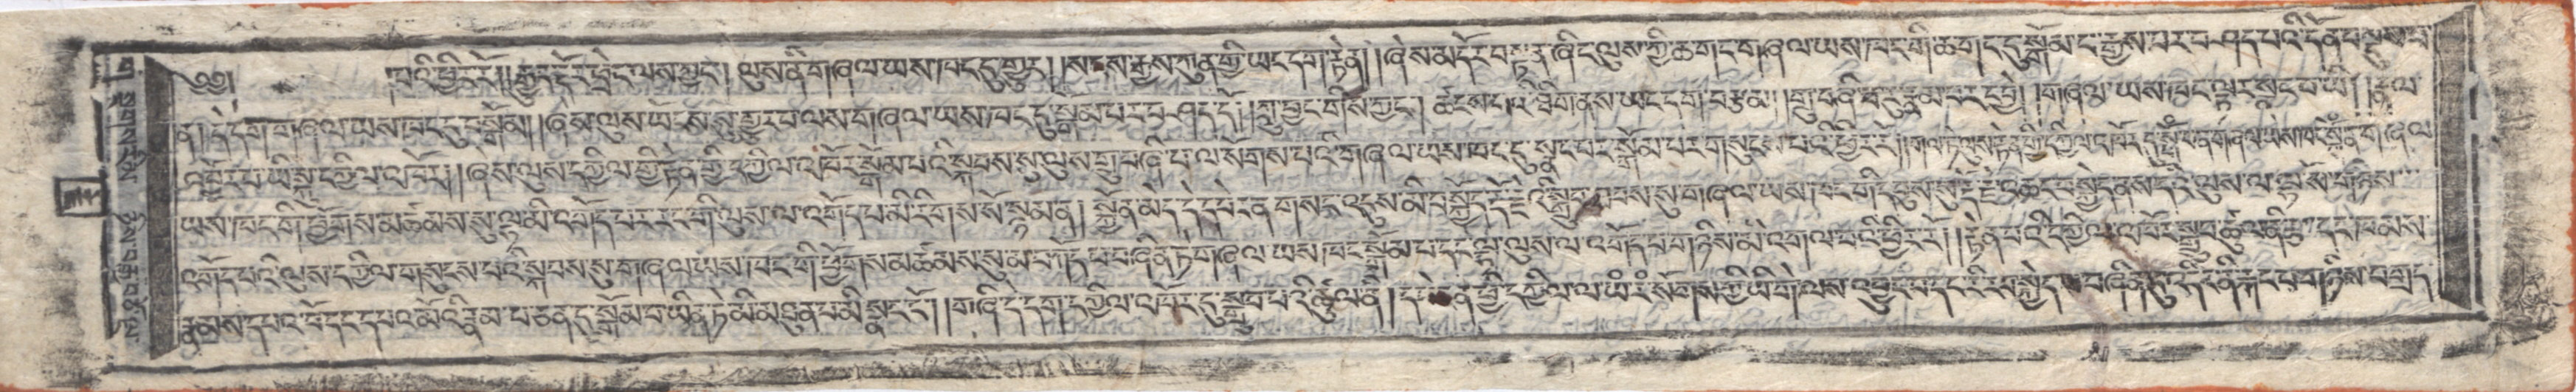༄༅། །པའི་ཕྱིར་རོ། །རྒྱུད་རྡོར་ཕྲེང་ལས་ཀྱང་། ལུས་ནི་གཞལ་ཡས་ཁང་དུ་གྱུར། །སངས་རྒྱས་ཀུན་གྱི་ཡང་དག་རྟེན། །ཞེས་མདོར་བསྟན་ཞིང་ལུས་ཀྱི་ཆ་གང་གཞལ་ཡས་ཁང་གི་ཆ་གང་དུ་སྒོམ་པ་རྒྱས་པར་བཤད་པའི་དོན་བསྡུས་པ་
ན། དེ་དག་གཞལ་ཡས་ཁང་དུ་བསྒོམ། །ཞེས་ལུས་ཡོངས་སུ་གྱུར་པ་ལས་གཞལ་ཡས་ཁང་དུ་སྒོམ་པར་བཤད་དོ། །ཀླུ་བྱང་གིས་ཀྱང་། ཚངས་པའི་ཐིག་ནས་ཡང་དག་བརྩམ། །གྲུ་བཞི་པ་རུ་རྣམ་པར་དབྱེ། །གཞལ་ཡས་ཁང་ལྟར་སྣང་བ་ཡི། །རྣལ་
འབྱོར་པ་ཡི་སྐུ་དཀྱིལ་འཁོར། །ཞེས་ལུས་དཀྱིལ་གྱི་རྟེན་གྱི་དཀྱིལ་འཁོར་སྒོམ་པའི་སྐབས་སུ་ལུས་གྲུ་བཞི་པ་ལ་སོགས་པའི་གཞལ་ཡས་ཁང་དུ་སྣང་བར་སྒོམ་པར་གསུངས་པའི་ཕྱིར་རོ། ། གལ་ཏེ་ལུས་རྟེན་གྱི་དཀྱིལ་འཁོར་དུ་སྒོཾ་པ་ན་གཞལ་ཡས་ཁང་སྒོཾ་ན་གཞལ་
ཡས་ཁང་གི་ཕྱོགས་མཚམས་སུ་ལྷ་མི་འགོད་པར་རང་གི་ལུས་ལ་འགོད་པ་མི་རིགས་སོ་སྙམ་ན། སྐྱོན་མེད་དེ་དཔེར་ན་གསང་འདུས་མི་བསྐྱོད་རྡོ་རྗེའི་སྒྲུབ་ཐབས་སུ་གཞལ་ཡས་ཁང་གི་དབུས་སུ་རྡོ་རྗེ་འཆང་བསྐྱེད་ནས་དེའི་ལུས་ལ་ལྷ་སོ་གཉིས་
འགོད་པའི་ལུས་དཀྱིལ་གསུངས་པའི་སྐབས་སུ་གཞལ་ཡས་ཁང་གི་ཕྱོགས་མཚམས་སུ་མ་བཀོད་པ་བཞིན་ཏེ་གཞལ་ཡས་ཁང་སྒོམ་པ་དང་ལྷ་ལུས་ལ་འགོད་པ་གཉིས་མི་འགལ་བའི་ཕྱིར་རོ། །རྟེན་པའི་དཀྱིལ་འཁོར་སྒྲུབ་ཚུལ་ནི་རྩ་དང་ཁམས་
རྣམས་དཔའ་བོ་དང་དཔའ་མོའི་རྣམ་པ་ཅན་དུ་སྒོམ་པ་ཡིན་ཏེ་མི་མཐུན་པ་མི་སྣང་ངོ། །གཞི་དེ་དག་དཀྱིལ་འཁོར་དུ་སྒྲུབ་པའི་ཚུལ་ནི། དཔེར་ན་ཕྱི་དཀྱིལ་ལ་ཡཾ་རཾ་སོགས་ཀྱི་ཡི་གེ་ལས་འབྱུང་བ་དང་རི་རབ་སྐྱེད་པ་བཞིན་དུ་འདིར་ནི་རྐང་པ་གཉིས་བགྲད་